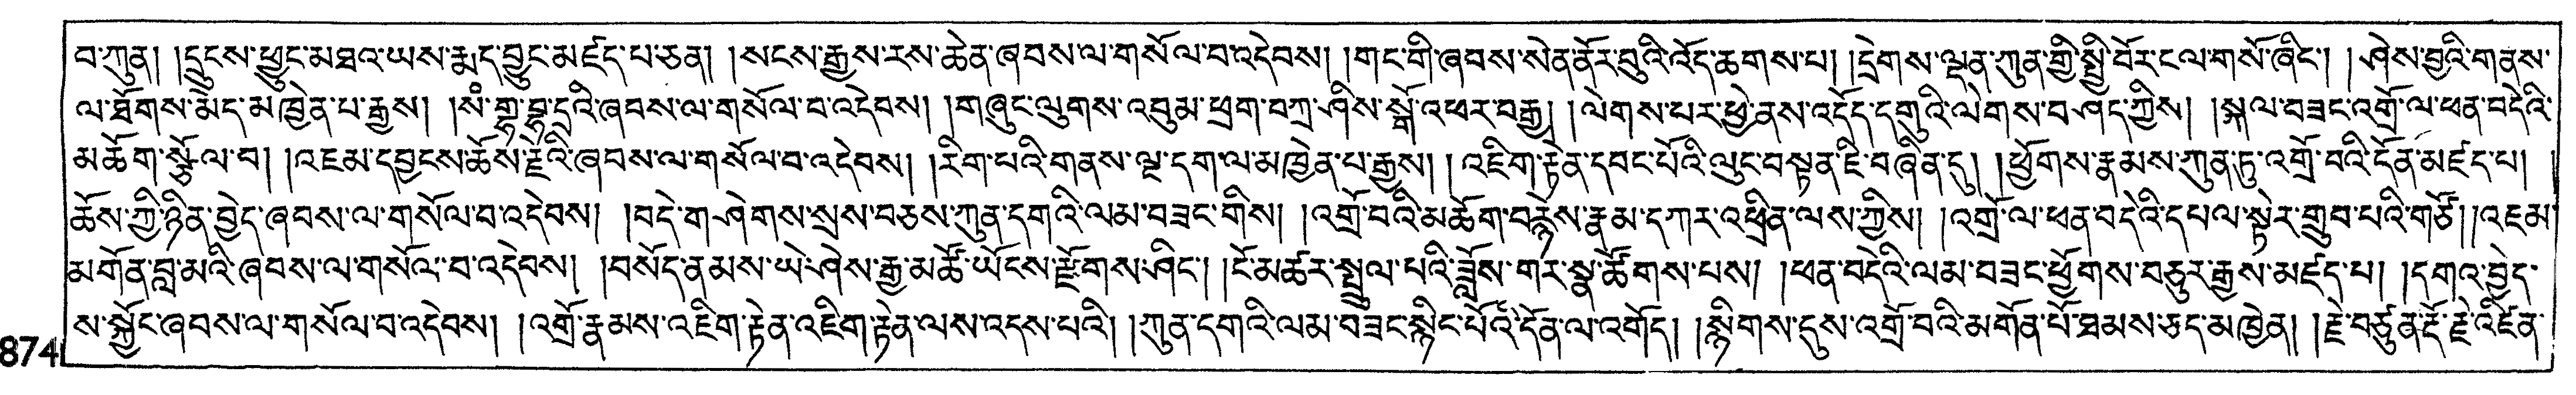བ་ཀུན། །དྲུངས་ཕྱུང་མཐའ་ཡས་རྨད་བྱུང་མཛད་པ་ཅན། །སངས་རྒྱས་རས་ཆེན་ཞབས་ལ་གསོལ་བ་འདེབས། །གང་གི་ཞབས་སེན་ནོར་བུའི་འོད་ཆགས་པ། །དྲེགས་ལྡན་ཀུན་གྱི་སྤྱི་བོར་ངལ་གསོ་ཞིང་། །ཤེས་བྱའི་གནས་
ལ་ཐོགས་མེད་མཁྱེན་པ་རྒྱས། །སཾ་གྷ་བྷ་དྲའི་ཞབས་ལ་གསོལ་བ་འདེབས། །གཞུང་ལུགས་འབུམ་ཕྲག་བཀྲ་ཤིས་སྒོ་འཕར་བརྒྱ། །ལེགས་པར་ཕྱེ་ནས་འདོད་དགུའི་ལེགས་བཤད་ཀྱིས། །སྐལ་བཟང་འགྲོ་ལ་ཕན་བདེའི་
མཆོག་སྩོལ་བ། །འཇམ་དབྱངས་ཆོས་རྗེའི་ཞབས་ལ་གསོལ་བ་འདེབས། །རིག་པའི་གནས་ལྔ་དག་ལ་མཁྱེན་པ་རྒྱས། །འཇིག་རྟེན་དབང་པོའི་ལུང་བསྟན་ཇི་བཞིན་དུ། །ཕྱོགས་རྣམས་ཀུན་ཏུ་འགྲོ་བའི་དོན་མཛད་པ། །
ཆོས་ཀྱི་ཉིན་བྱེད་ཞབས་ལ་གསོལ་བ་འདེབས། །བདེ་གཤེགས་སྲས་བཅས་ཀུན་དགའི་ལམ་བཟང་གིས། །འགྲོ་བའི་མཆོག་བརྙེས་རྣམ་དཀར་འཕྲིན་ལས་ཀྱིས། །འགྲོ་ལ་ཕན་བདེའི་དཔལ་སྟེར་གྲུབ་པའི་གཙོ། །འཇམ་
མགོན་བླ་མའི་ཞབས་ལ་གསོལ་བ་འདེབས། །བསོད་ནམས་ཡེ་ཤེས་རྒྱ་མཚོ་ཡོངས་རྫོགས་ཤིང་། །ངོ་མཚར་སྤྲུལ་པའི་ཟློས་གར་སྣ་ཚོགས་པས། །ཕན་བདེའི་ལམ་བཟང་ཕྱོགས་བཅུར་རྒྱས་མཛད་པ། །དགའ་བྱེད་
ས་སྐྱོང་ཞབས་ལ་གསོལ་བ་འདེབས། །འགྲོ་རྣམས་འཇིག་རྟེན་འཇིག་རྟེན་ལས་འདས་པའི། །ཀུན་དགའི་ལམ་བཟང་སྙིང་པོའི་དོན་ལ་འགོད། །སྙིགས་དུས་འགྲོ་བའི་མགོན་པོ་ཐམས་ཅད་མཁྱེན། །རྗེ་བཙུན་རྡོ་རྗེ་འཛིན་